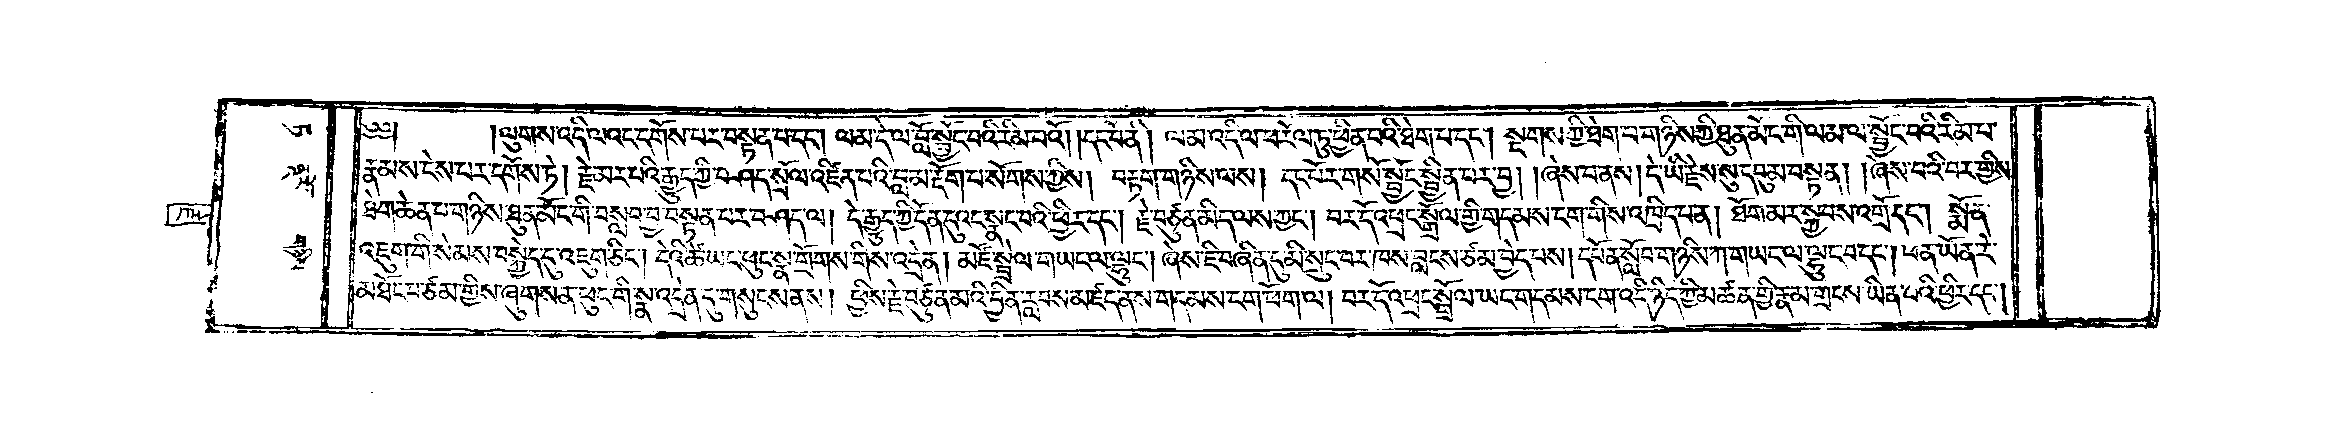༄༅། །ལུགས་འདི་ལའང་དགོས་པར་བསྟན་པ་དང་། ལམ་དེ་ལ་བློ་སྦྱོང་བའི་རིམ་པའོ། །དང་པོ་ནི། ལམ་འདི་ལ་ཕ་རོལ་ཏུ་ཕྱིན་པའི་ཐེག་པ་དང་། སྔགས་ཀྱི་ཐེག་པ་གཉིས་ཀྱི་ཐུན་མོང་གི་ལམ་ལ་སྦྱོང་བའི་རིམ་པ་
རྣམས་ངེས་པར་དགོས་ཏེ། རྗེ་མར་པའི་རྒྱུད་ཀྱི་བཤད་སྲོལ་འཛིན་པའི་བླ་མ་རྡོག་པ་སོགས་ཀྱིས། བརྟག་གཉིས་ལས། དང་པོར་གསོ་སྦྱོང་སྦྱིན་པར་བྱ། །ཞེས་པ་ནས། དེ་ཡི་རྗེས་སུ་དབུ་མ་བསྟན། །ཞེས་པའི་བར་གྱིས་
ཐེག་ཆེན་པ་གཉིས་ཐུན་མོང་གི་བསླབ་བྱ་བསྟན་པར་བཤད་ལ། དེ་རྒྱུད་ཀྱི་དོན་དུའང་སྣང་བའི་ཕྱིར་དང་། རྗེ་བཙུན་མིད་ལས་ཀྱང་། བར་དོ་འཕྲང་སྒྲོལ་གྱི་གདམས་ངག་གིས་འཁྲིད་པ་ན། ཐོག་མར་སྐྱབས་འགྲོ་དང་། སྨོན་
འཇུག་གི་སེམས་བསྐྱེད་དུ་འཇུག་ཅིང་། དེའི་ཚེ་ཡང་ཕུང་སྣ་གྲོགས་གིས་འདྲེན། མཛོ་སྦྲེལ་གཡང་ལ་ལྷུང་། ཞེས་ཇི་བཞིན་དུ་མི་སྲུང་བར་ཁས་བླངས་ཙམ་བྱེད་པས། དཔོན་སློབ་གཉིས་ཀ་གཡང་ལ་ལྷུང་བ་དང་། ཕན་ཡོན་རེ་
མཐོང་བ་ཙམ་གྱིས་ཞུགས་ན་ཕུང་གི་སྣ་འདྲེན་དུ་གསུངས་ནས། ཕྱིས་རྗེ་བཙུན་མའི་བྱིན་རླབས་མཛད་ནས་གདམས་ངག་ཕོག་ལ། བར་དོ་འཕྲང་སྒྲོལ་ཡང་གདམས་ངག་འདི་ཉིད་ཀྱི་མཚན་གྱི་རྣམ་གྲངས་ཡིན་པའི་ཕྱིར་དང་།